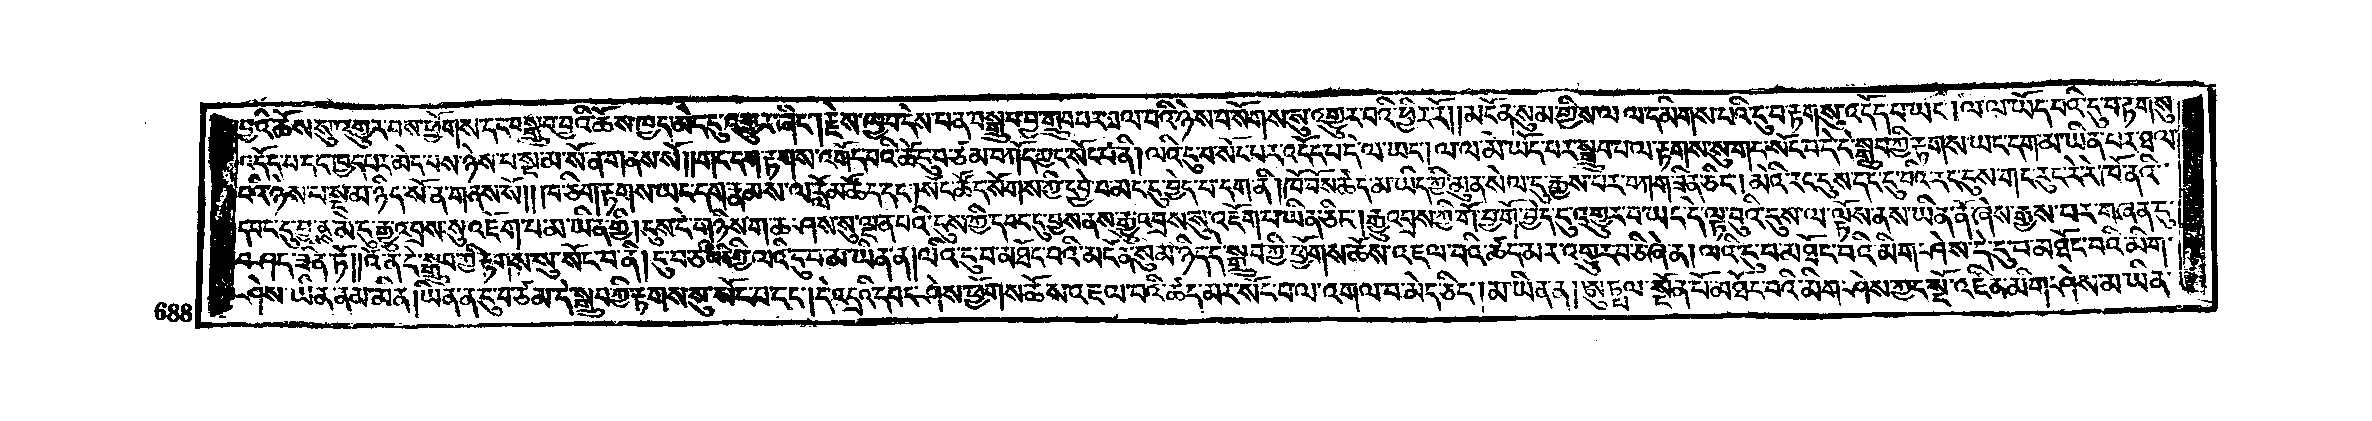བྱའི་ཆོས་སུ་འགྱུར་བས་ཕྱོགས་དང་བསྒྲུབ་བྱའི་ཆོས་ཁྱད་མེད་དུ་འགྱུར་ཞིང་། རྗེས་ཁྱབ་ངེས་པ་ན་བསྒྲུབ་བྱ་གྲུབ་པར་ཐལ་བའི་ཉེས་པ་སོགས་སུ་འགྱུར་བའི་ཕྱིར་རོ། །མངོན་སུམ་གྱིས་ལ་ལ་དམིགས་པའི་དུ་བ་རྟགས་སུ་འདོད་པ་ཡང་། ལ་ལ་ཡོད་པའི་དུ་བ་རྟགས་སུ་
འདོད་པ་དང་ཁྱད་པར་མེད་པས་ཉེས་པ་སྔ་མ་སོ་ན་གནས་སོ། །གང་དག་རྟགས་འགོད་པའི་ཚེ་དུ་བ་ཙམ་བཀོད་ཀྱང་སོང་བ་ནི། ལའི་དུ་བ་སོང་པར་འདོད་པ་དེ་ལ་ཡང་། ལ་ལ་མེ་ཡོད་པར་སྒྲུབ་པ་ལ་རྟགས་སུ་གང་སོང་བ་དེ་དེ་སྒྲུབ་ཀྱི་རྟགས་ཡང་དག་མ་ཡིན་པར་ཐལ་
བའི་ཉེས་པ་སྔ་མ་ཉིད་སོ་ན་གནས་སོ། །ཁ་ཅིག་རྟགས་ཡང་དག་རྣམས་ལ་རློམ་ཚོད་དང་། སོང་ཚོད་སོགས་ཀྱི་དབྱེ་བ་མང་དུ་བྱེད་པ་དག་ནི། ཁོ་བོས་ཚད་མ་ཡིད་ཀྱི་མུན་སེལ་དུ་རྒྱས་པར་བཀག་ཟིན་ཅིང་། མེའི་རང་དུས་དང་དུ་བའི་རང་དུས་གང་རུང་རེ་རེ་ཁོ་ནའི་
དབང་དུ་བྱས་ནས་མེ་དུ་རྒྱུ་འབྲས་སུ་འཇོག་པ་མ་ཡིན་གྱི། དུས་དེ་གཉིས་ག་ཆ་ཤས་སུ་ལྡན་པའི་དུས་ཀྱི་དབང་དུ་བྱས་ནས་རྒྱུ་འབྲས་སུ་འཇོག་པ་ཡིན་ཅིང་། རྒྱུ་འབྲས་ཀྱི་གོ་བྱ་གོ་བྱེད་དུ་འགྱུར་བ་ཡང་དེ་ལྟ་བུའི་དུས་ལ་ལྟོས་ནས་ཡིན་ནོ་ཞེས་རྒྱས་པར་གཞན་དུ་
བཤད་ཟིན་ཏོ། །འོ་ན་དེ་སྒྲུབ་ཀྱི་རྟགས་སུ་སོང་བ་ནི། དུ་བ་ཙམ་ཡིན་གྱི་ལའི་དུ་བ་མ་ཡིན་ན། ལའི་དུ་བ་མཐོང་བའི་མངོན་སུམ་ཉིད་དེ་སྒྲུབ་ཀྱི་ཕྱོགས་ཆོས་འཇལ་བའི་ཚད་མར་འགྱུར་བ་ཅི་ཞེ་ན། ལའི་དུ་བ་མཐོང་བའི་མིག་ཤེས་དེ་དུ་བ་མཐོང་བའི་མིག་
ཤེས་ཡིན་ནམ་མིན། ཡིན་ན་དུ་བ་ཙམ་དེ་སྒྲུབ་ཀྱི་རྟགས་སུ་སོང་བ་དང་། དེ་འདྲའི་དབང་ཤེས་ཕྱོགས་ཆོས་འཇལ་བའི་ཚད་མར་སོང་བ་ལ་འགལ་བ་མེད་ཅིང་། མ་ཡིན་ན། ཨུཏྤལ་སྔོན་པོ་མཐོང་བའི་མིག་ཤེས་ཀྱང་སྔོ་འཛིན་མིག་ཤེས་མ་ཡིན་